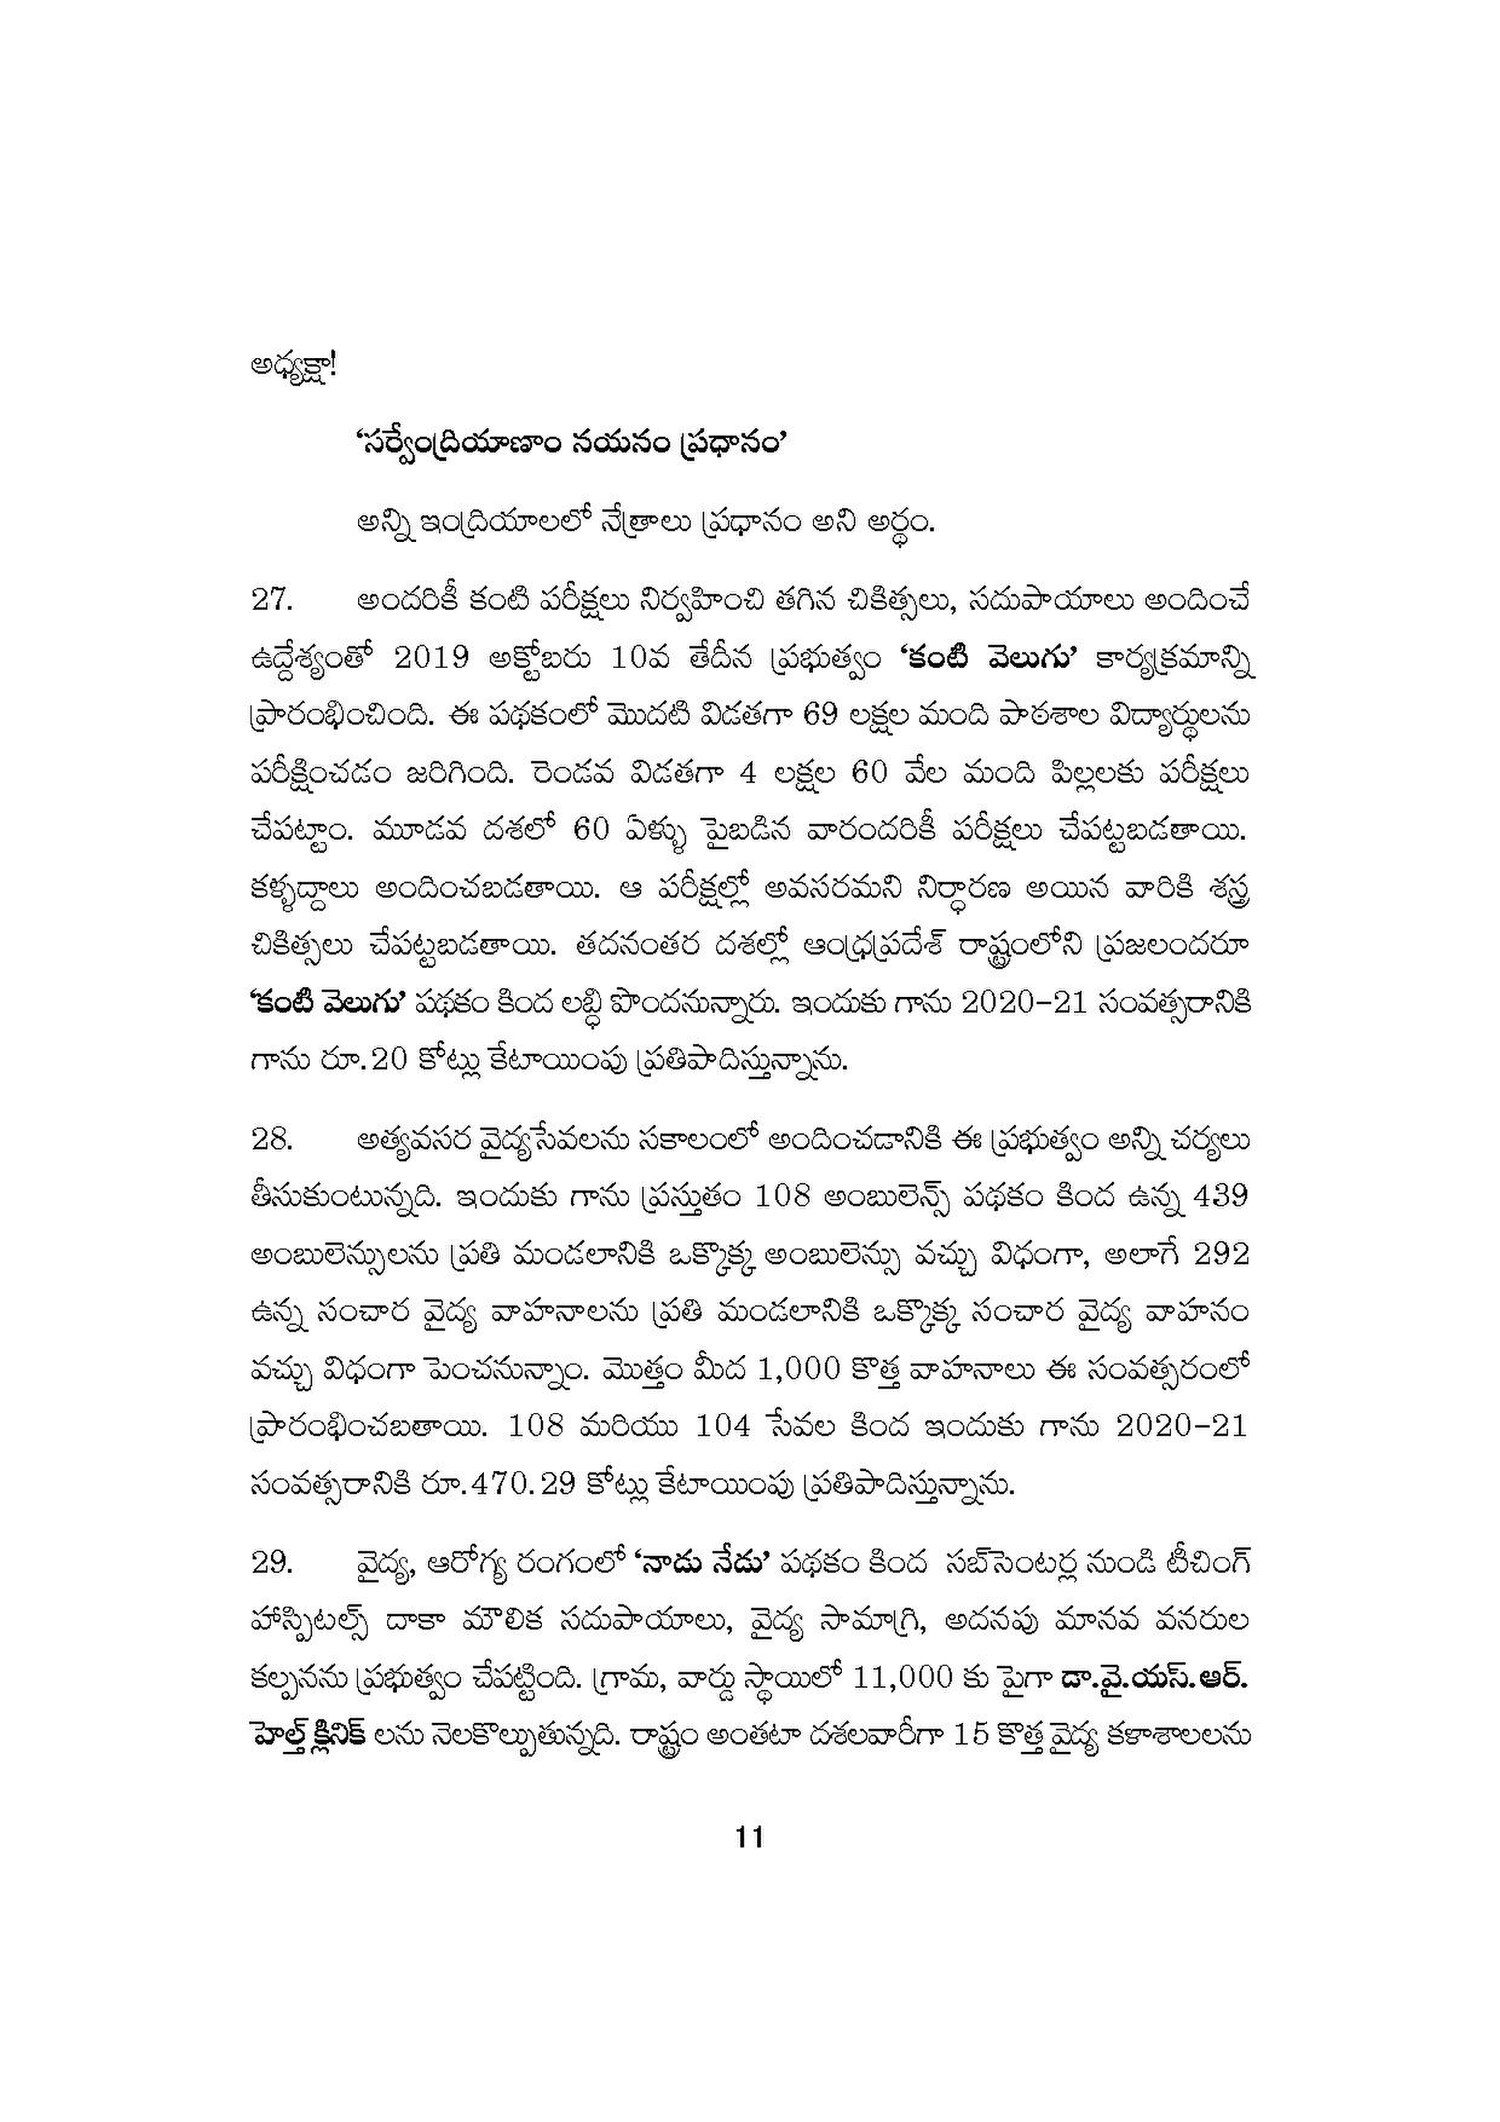అధ్యక్షా!

'సర్వేంద్రియాణాం నయనం ప్రధానం'

అన్ని ఇంద్రియాలలో నేత్రాలు ప్రధానం అని అర్థం. 

27. అందరికీ కంటి పరీక్షలు నిర్వహించి తగిన చికిత్సలు, సదుపాయాలు అందించే ఉద్దేశ్యంతో 2019 అక్టోబరు 10వ తేదీన ప్రభుత్వం 'కంటి వెలుగు' కార్యక్రమాన్ని ప్రారంభించింది. ఈ పథకంలో మొదటి విడతగా 69 లక్షల మంది పాఠశాల విద్యార్థులను పరీక్షించడం జరిగింది. రెండవ విడతగా 4 లక్షల 60 వేల మంది పిల్లలకు పరీక్షలు చేపట్టాం. మూడవ దశలో 60 ఏళ్ళు పైబడిన వారందరికీ పరీక్షలు చేపట్టబడతాయి. కళ్ళద్దాలు అందించబడతాయి. ఆ పరీక్షల్లో అవసరమని నిర్ధారణ అయిన వారికి శస్త్ర చికిత్సలు చేపట్టబడతాయి. తదనంతర దశల్లో ఆంధ్రప్రదేశ్ రాష్ట్రంలోని ప్రజలందరూ 'కంటి వెలుగు' పథకం కింద లబ్ది పొందనున్నారు. ఇందుకు గాను 2020-21 సంవత్సరానికి గాను రూ.20 కోట్లు కేటాయింపు ప్రతిపాదిస్తున్నాను. 

28. అత్యవసర వైద్యసేవలను సకాలంలో అందించడానికి ఈ ప్రభుత్వం అన్ని చర్యలు తీసుకుంటున్నది. ఇందుకు గాను ప్రస్తుతం 108 అంబులెన్స్ పథకం కింద ఉన్న 439 అంబులెన్సులను ప్రతి మండలానికి ఒక్కొక్క అంబులెన్సు వచ్చు విధంగా, అలాగే 292 ఉన్న సంచార వైద్య వాహనాలను ప్రతి మండలానికి ఒక్కొక్క సంచార వైద్య వాహనం వచ్చు విధంగా పెంచనున్నాం. మొత్తం మీద 1,000 కొత్త వాహనాలు ఈ సంవత్సరంలో ప్రారంభించబతాయి. 108 మరియు 104 సేవల కింద ఇందుకు గాను 2020-21 సంవత్సరానికి రూ.470.29 కోట్లు కేటాయింపు ప్రతిపాదిస్తున్నాను. 

29. వైద్య, ఆరోగ్య రంగంలో 'నాడు నేడు' పథకం కింద సబ్ సెంటర్ల నుండి టీచింగ్ హాస్పిటల్స్ దాకా మౌలిక సదుపాయాలు, వైద్య సామాగ్రి, అదనపు మానవ వనరుల కల్పనను ప్రభుత్వం చేపట్టింది. గ్రామ, వార్డు స్థాయిలో 11,000 కు పైగా డా.వై.యస్.ఆర్. హెల్త్ క్లినిక్ లను నెలకొల్పుతున్నది. రాష్ట్రం అంతటా దశలవారీగా 15 కొత్త వైద్య కళాశాలలను